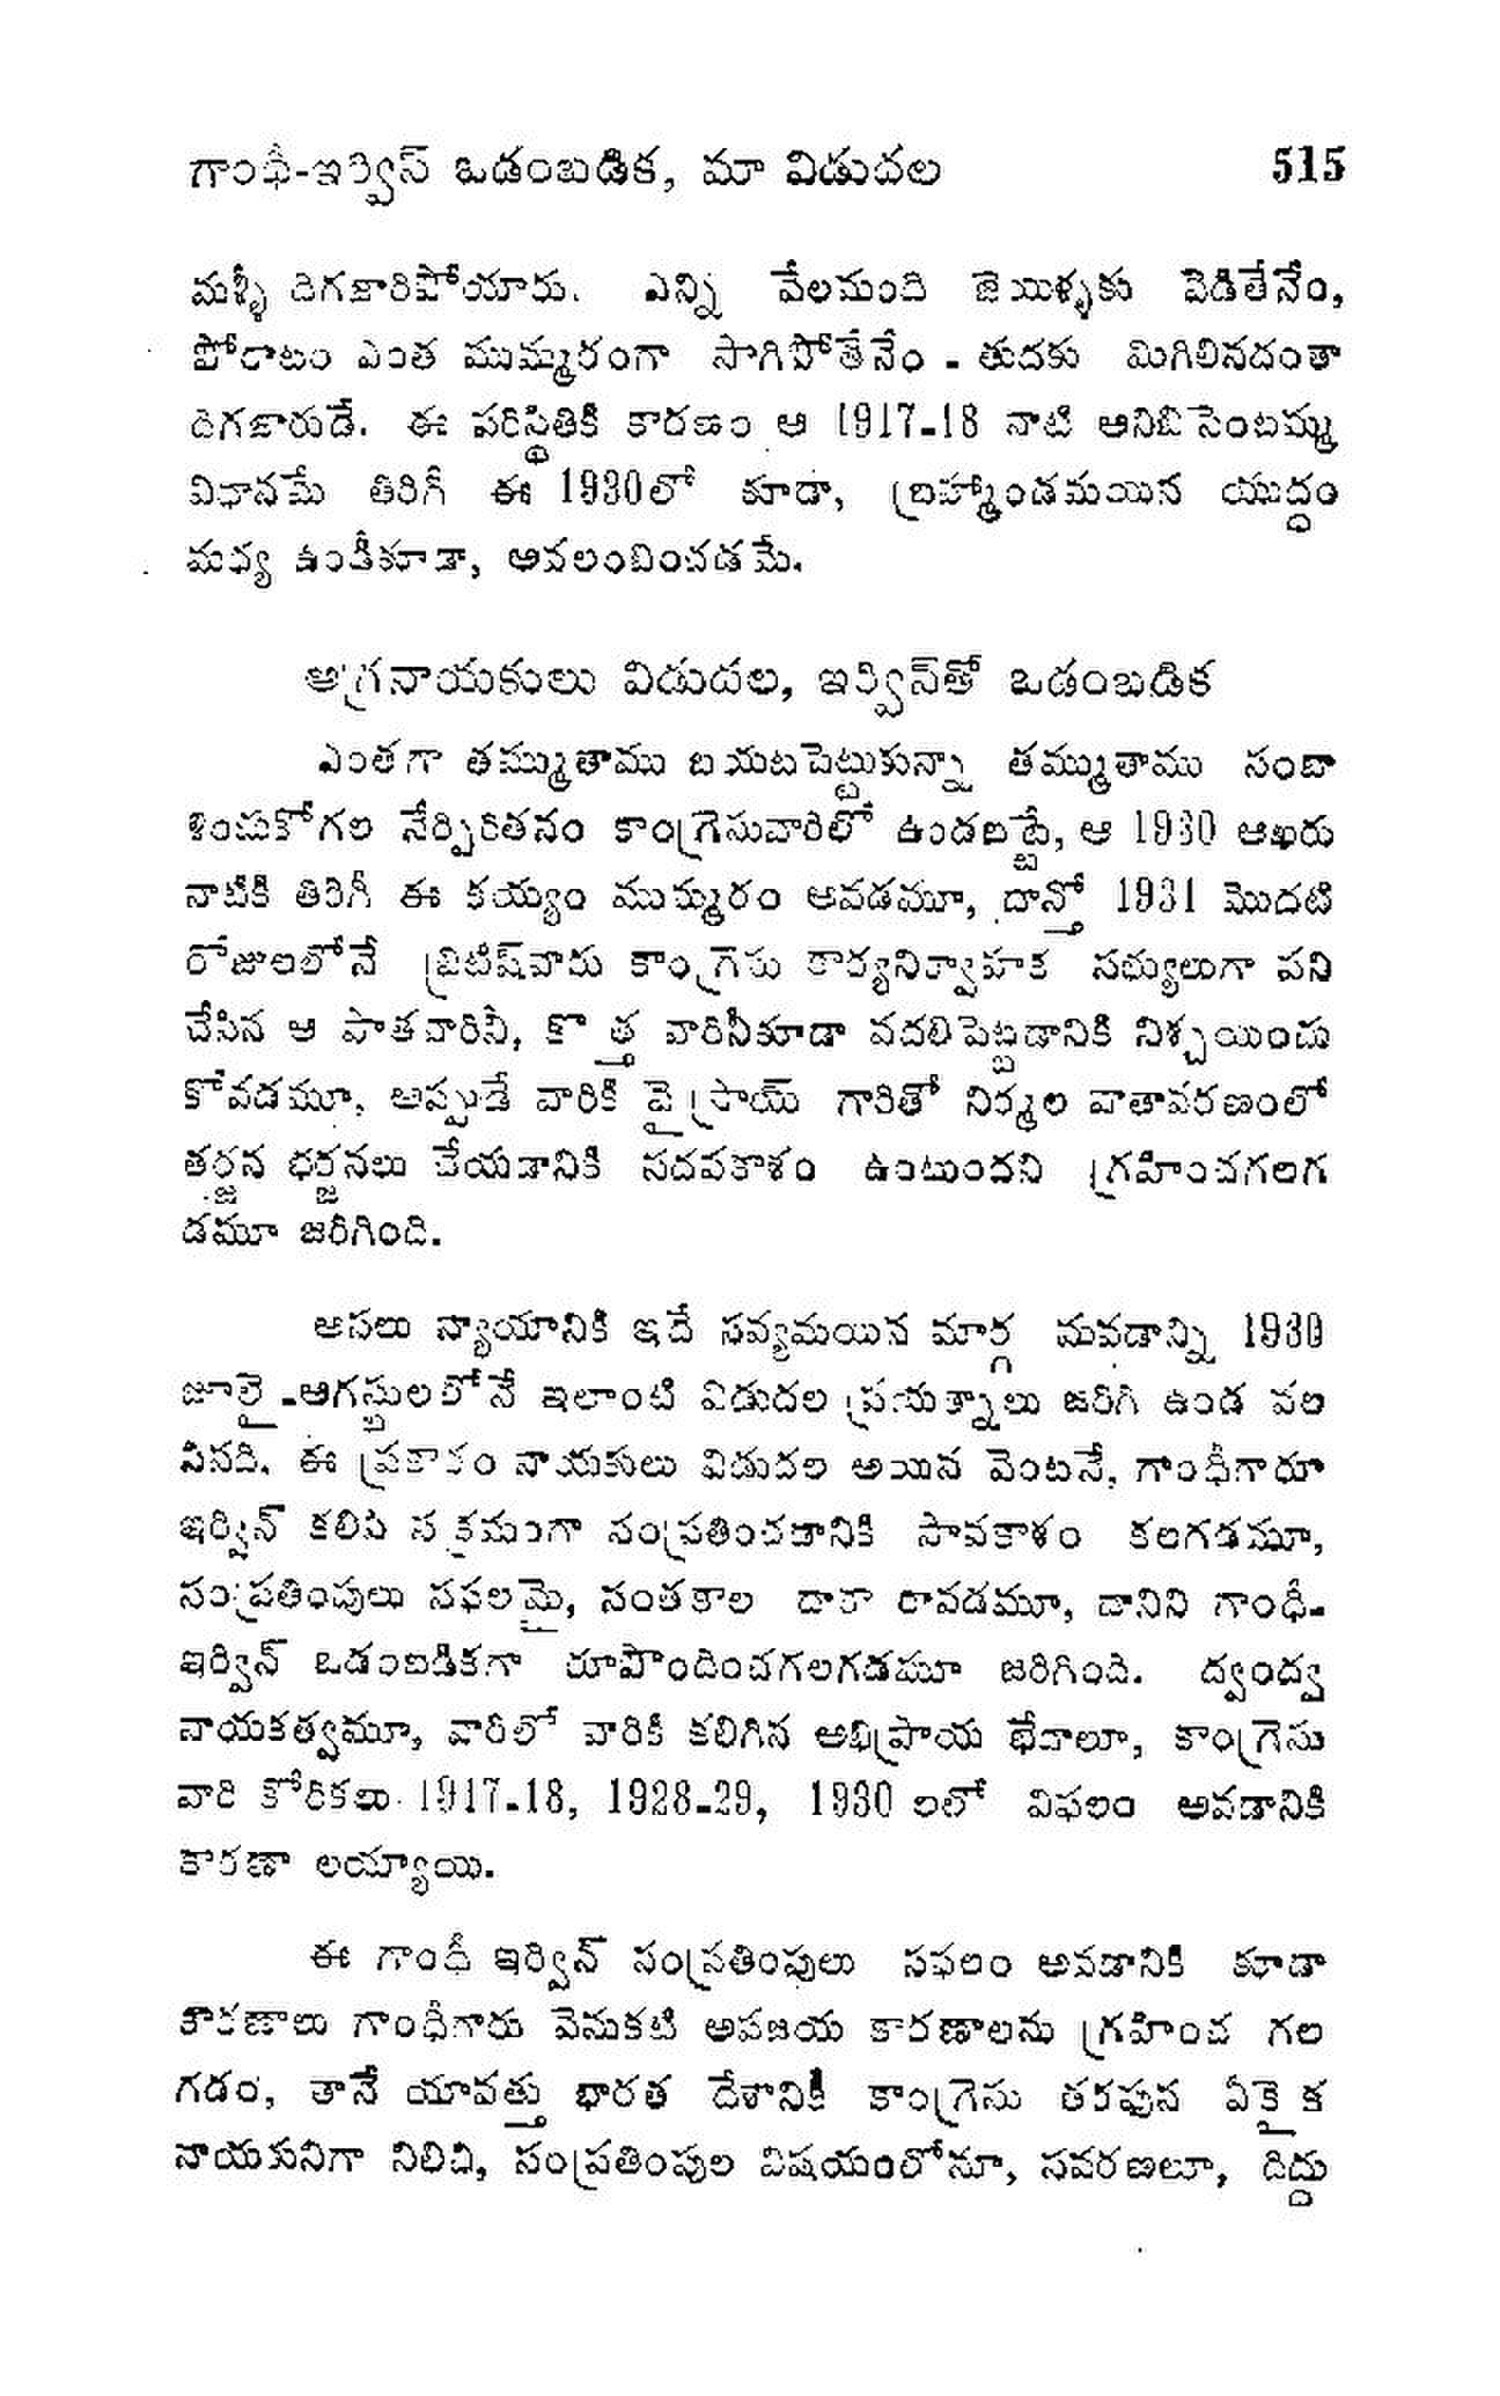మళ్ళీ దిగజారిపోయారు. ఎన్ని వేలమంది జెయిళ్ళకు వెడితేనేం, పోరాటం ఎంత ముమ్మరంగా సాగిపోతేనేం - తుదకు మిగిలినదంతా దిగజారుడే. ఈ పరిస్థితికి కారణం ఆ 1917 - 18 నాటి అనిబిసెంటమ్మ విధానమే తిరిగీ ఈ 1930 లో కూడా, బ్రహ్మాండమయిన యుద్ధం మధ్య ఉండీకూడా, అవలంబించడమే.

ఎంతగా తమ్ముతాము బయటపెట్టుకున్నా తమ్ముతాము సంబాళించుకోగల నేర్పరితనం కాంగ్రెసువారిలో ఉండబట్టే, ఆ 1930 ఆఖరునాటికి తిరిగీ ఈ కయ్యం ముమ్మరం అవడమూ, దాన్తో 1931 మొదటి రోజులలోనే బ్రిటిష్‌వారు కాంగ్రెసు కార్యనిర్వాహక సభ్యులుగా పనిచేసిన ఆ పాత వారినీ, కొత్త వారినీకూడా వదలి పెట్టడానికి నిశ్చయించు కోవడమూ, అప్పుడే వారికి వైస్రాయ్ గారితో నిర్మల వాతావరణంలో తర్జన భర్జనలు చేయడానికి సదవకాశం ఉంటుందని గ్రహించగలగడమూ జరిగింది.

అసలు న్యాయానికి ఇదే సవ్యమయిన మార్గ మవడాన్ని 1930 జూలై - ఆగస్టులలోనే ఇలాంటి విడుదల ప్రయత్నాలు జరిగి ఉండ వలసినది. ఈ ప్రకారం నాయకులు విడుదల అయిన వెంటనే, గాంధీగారూ ఇర్విన్ కలిసి సక్రమంగా సంప్రతించడానికి సావకాశం కలగడమూ, సంప్రతింపులు సఫలమై, సంతకాల దాకా రావడమూ, దానిని గాంధీ - ఇర్విన్ ఒడంబడికగా రూపొందించగలగడమూ జరిగింది. ద్వంద్వ నాయకత్వమూ, వారిలో వారికి కలిగిన అభిప్రాయా భేధాలూ, కాంగ్రెసు వారి కోరికలు 1917 - 18, 1928 - 29, 1930 లలో విఫలం అవడానికి కారణా లయ్యాయి.

ఈ గాంధీ ఇర్విన్ సంప్రతింపులు సఫలం అవడానికి కూడా కారణాలు గాంధీగారు వెనుకటి అపజయ కారణాలను గ్రహించ గలగడం, తానే యావత్తు భారత దేశానికి కాంగ్రెసు తరపున ఏకైక నాయకునిగా, నిలిచి, సంప్రతింపుల విషయంలోనూ, సవరణలూ, దిద్దు